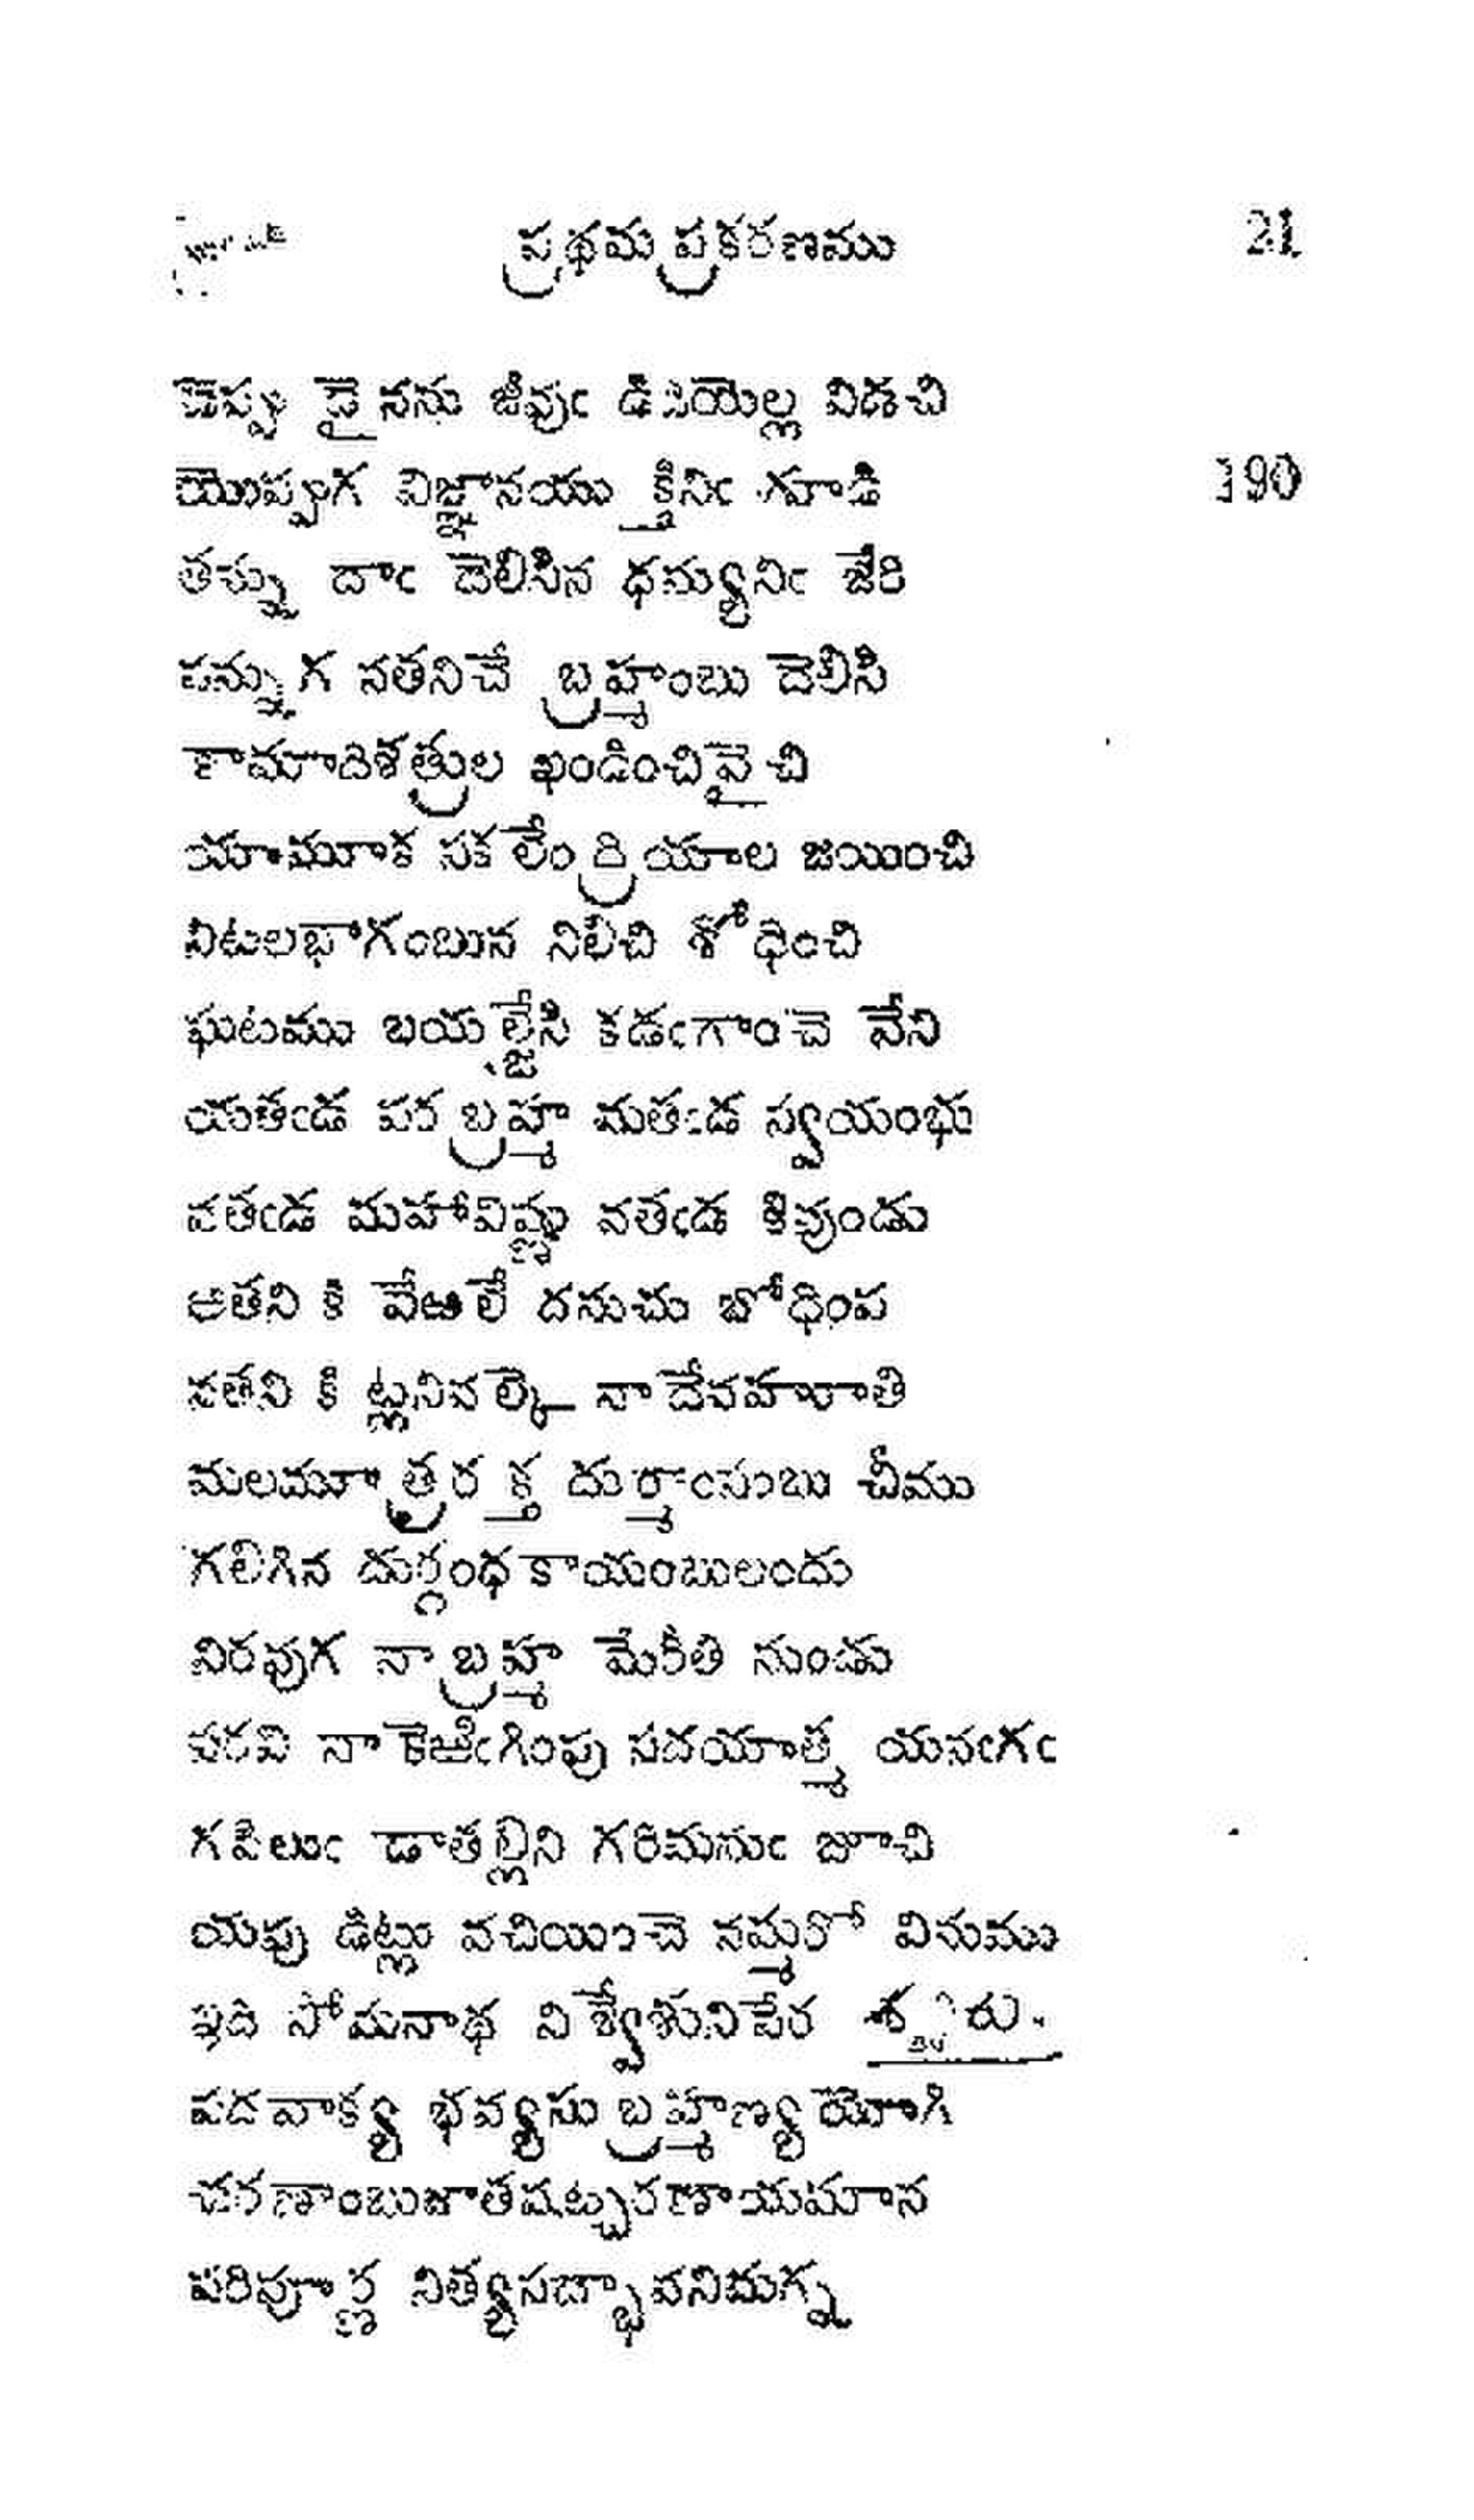డెప్పు డైనను జీవుఁ డిదియెల్ల విడచి
యొప్పుగ విజ్ఞానయుక్తినిఁ గూడి 
తన్ను దాఁ దెలిసిన ధన్యునిఁ జేరి 
పన్నుగ నతనిచే బ్రహ్మంబు దెలిసి
కామాదిశత్రుల ఖండించివైచి
యామూక సకలేంద్రియాల జయించి
నిటలభాగంబున నిలిచి శోధించి
ఘటము బయల్జేసి కడఁగాంచె నేని
యతఁడ పరబ్రహ్మ మతఁడ స్వయంభు
వతఁడ మహావిష్ణు వతఁడ శివుండు
అతనికి వేఱలే దనుచు బోధింప
నతని కి ట్లనివల్కె నా దేవహూతి
మలమూత్రరక్త దుర్మాంసంబు చీము
గలిగిన దుర్గంధకాయంబులందు
నిరవుగ నాబ్రహ్మ మేరీతి నుండు
పరవి నా కెఱిఁగింపు సదయాత్మ యనఁగఁ
గపిలుఁ డాతల్లిని గరిమనుఁ జూచి
యపు డిట్లు వచియించె నమ్మరో వినుము
ఇది సోమనాథ విశ్వేశుని పేర 
పదవాక్య భవ్యసుబ్రహణ్యయోగి
చరణాంబుజాతషట్చరణాయమాన
పరిపూర్ణ నిత్యసద్భావనిమగ్న